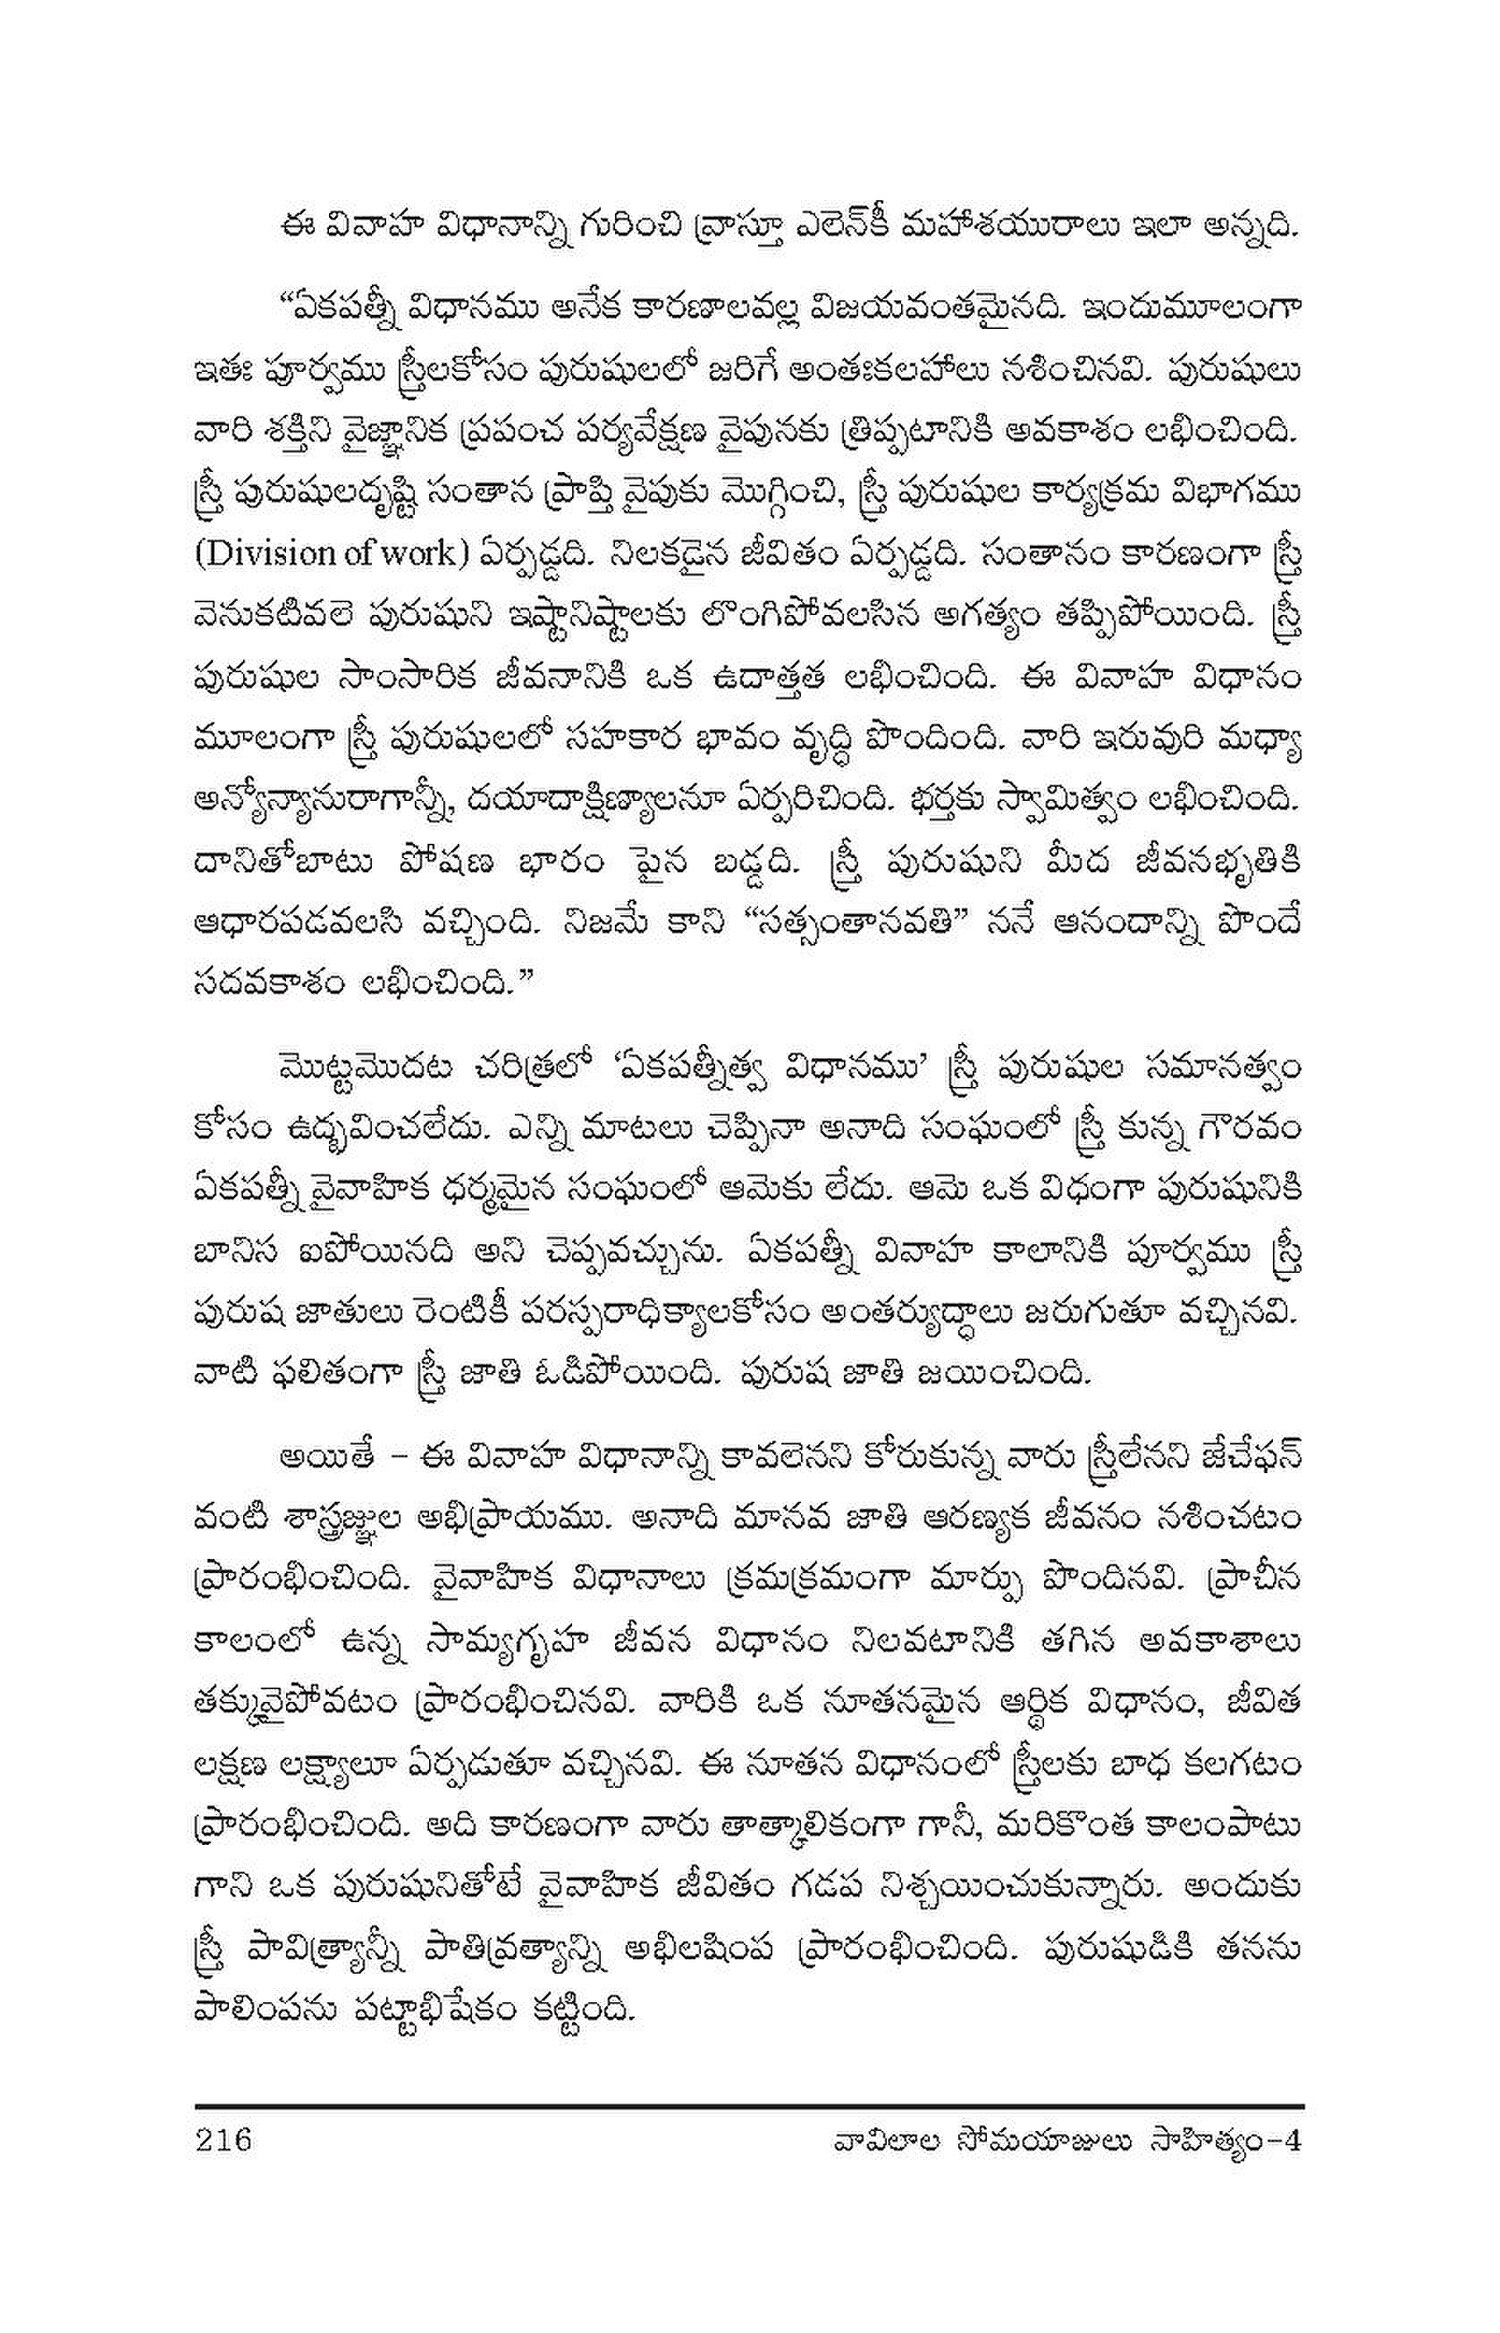ఈ వివాహ విధానాన్ని గురించి వ్రాస్తూ ఎలెన్కీ మహాశయురాలు ఇలా అన్నది.

“ఏకపత్నీ విధానము అనేక కారణాలవల్ల విజయవంతమైనది. ఇందుమూలంగా
ఇతః పూర్వము స్త్రీలకోసం పురుషులలో జరిగే అంతఃకలహాలు నశించినవి. పురుషులు
వారి శక్తిని వైజ్ఞానిక ప్రపంచ పర్యవేక్షణ వైపునకు త్రిప్పటానికి అవకాశం లభించింది.
స్త్రీ పురుషులదృష్టి సంతాన ప్రాప్తి వైపుకు మొగ్గించి, స్త్రీ పురుషుల కార్యక్రమ విభాగము
(Division of work) ఏర్పడ్డది. నిలకడైన జీవితం ఏర్పడ్డది. సంతానం కారణంగా
వెనుకటివలె పురుషుని ఇష్టానిష్టాలకు లొంగిపోవలసిన అగత్యం తప్పిపోయింది.
పురుషుల సాంసారిక జీవనానికి ఒక ఉదాత్తత లభించింది. ఈ వివాహ విధానం
మూలంగా స్త్రీ పురుషులలో సహకార భావం వృద్ధి పొందింది. వారి ఇరువురి మధ్యా
అన్యోన్యానురాగాన్నీ, దయాదాక్షిణ్యాలనూ ఏర్పరిచింది. భర్తకు స్వామిత్వం లభించింది.
దానితోబాటు పోషణ భారం పైన బడ్డది. స్త్రీ పురుషుని మీద జీవనభృతికి
ఆధారపడవలసి వచ్చింది. నిజమే కాని "సత్సంతానవతి” ననే ఆనందాన్ని పొందే
సదవకాశం లభించింది.”

మొట్టమొదట చరిత్రలో 'ఏకపత్నీత్వ విధానము' స్త్రీ పురుషుల సమానత్వం
కోసం ఉద్భవించలేదు. ఎన్ని మాటలు చెప్పినా అనాది సంఘంలో స్త్రీ కున్న గౌరవం
ఏకపత్నీ వైవాహిక ధర్మమైన సంఘంలో ఆమెకు లేదు. ఆమె ఒక విధంగా పురుషునికి
బానిస ఐపోయినది అని చెప్పవచ్చును. ఏకపత్నీ వివాహ కాలానికి పూర్వము స్త్రీ
పురుష జాతులు రెంటికీ పరస్పరాధిక్యాలకోసం అంతర్యుద్ధాలు జరుగుతూ వచ్చినవి.
వాటి ఫలితంగా స్త్రీ జాతి ఓడిపోయింది. పురుష జాతి జయించింది.

అయితే - ఈ వివాహ విధానాన్ని కావలెనని కోరుకున్న వారు స్త్రీలేనని జేచేషన్
వంటి శాస్త్రజ్ఞుల అభిప్రాయము. అనాది మానవ జాతి ఆరణ్యక జీవనం నశించటం
ప్రారంభించింది. వైవాహిక విధానాలు క్రమక్రమంగా మార్పు పొందినవి. ప్రాచీన
కాలంలో ఉన్న సామ్యగృహ జీవన విధానం నిలవటానికి తగిన అవకాశాలు
తక్కువైపోవటం ప్రారంభించినవి. వారికి ఒక నూతనమైన ఆర్థిక విధానం, జీవిత
లక్షణ లక్ష్యాలూ ఏర్పడుతూ వచ్చినవి. ఈ నూతన విధానంలో స్త్రీలకు బాధ కలగటం
ప్రారంభించింది. అది కారణంగా వారు తాత్కాలికంగా గానీ, మరికొంత కాలంపాటు
గాని ఒక పురుషునితోటే వైవాహిక జీవితం గడప నిశ్చయించుకున్నారు. అందుకు
స్త్రీ పావిత్య్రాన్నీ పాతివ్రత్యాన్ని అభిలషింప ప్రారంభించింది. పురుషుడికి తనను
పాలింపను పట్టాభిషేకం కట్టింది.